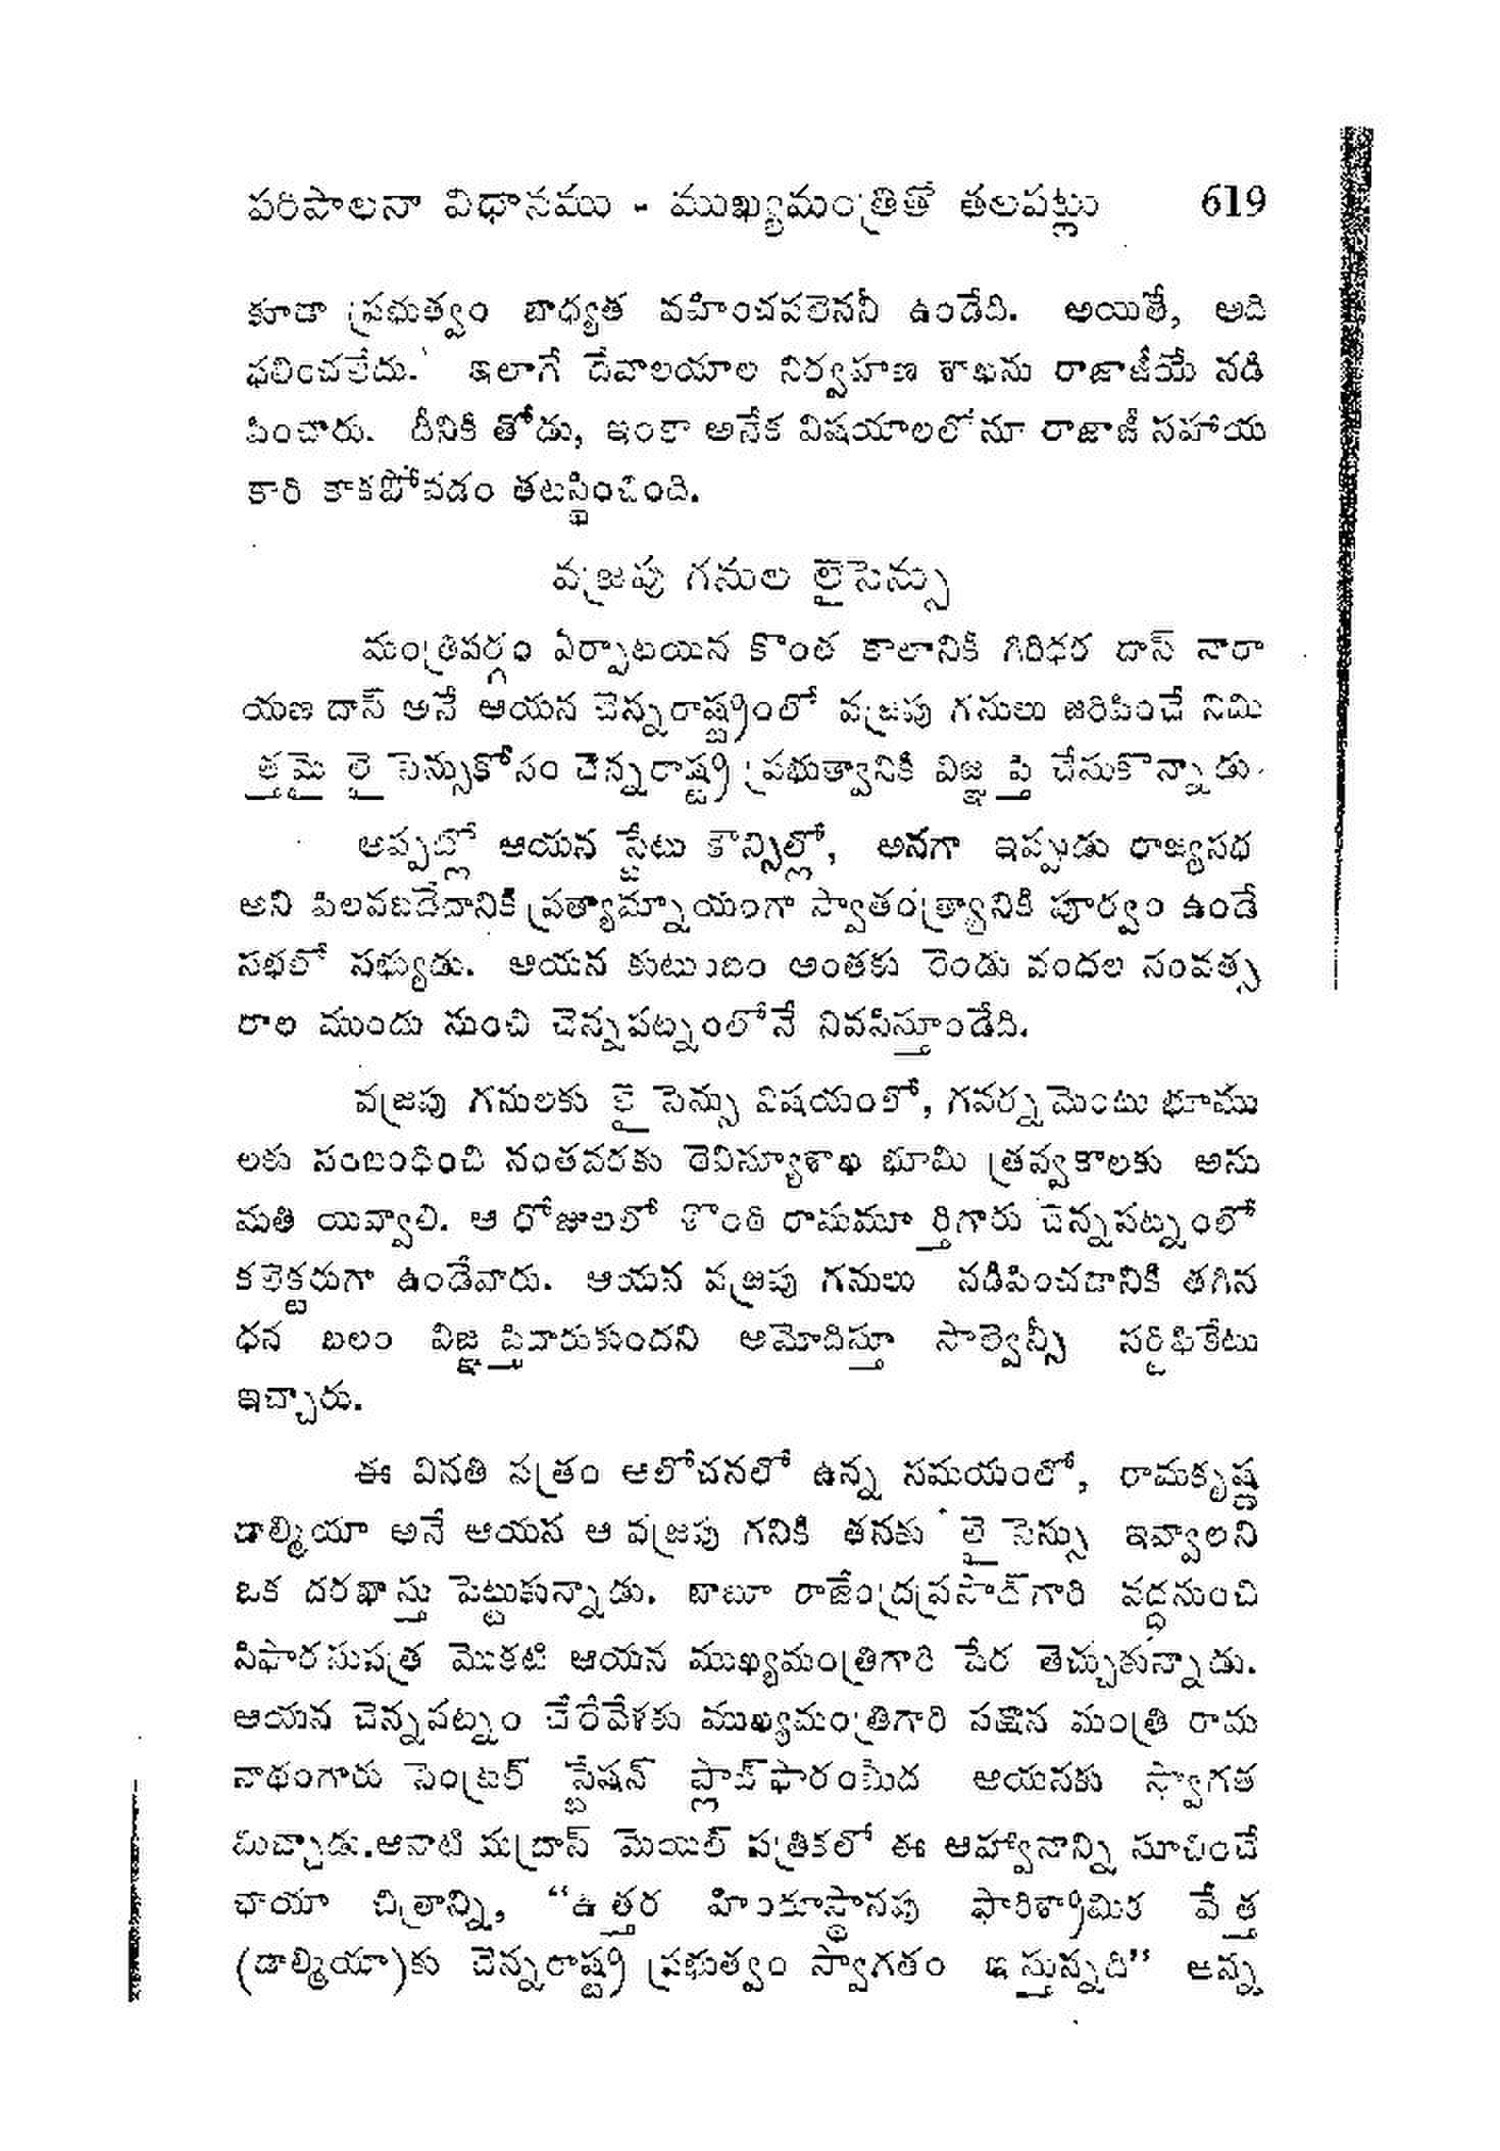కూడా ప్రభుత్వం బాధ్యత వహించ వలెననీ ఉండేది. అయితే, అది ఫలించలేదు. ఇలాగే దేవాలయాల నిర్వహణ శాఖను రాజాజీయే నడిపించారు. దీనికితోడు, ఇంకా అనేక విషయాల లోనూ రాజాజీ సహాయకారి కాకపోవడం తటస్థించింది.

మంత్రివర్గం ఏర్పాటయిన కొంత కాలానికి గిరిధర దాస్ నారాయణ దాస్ అనే ఆయన చెన్నరాష్ట్రంలో వజ్రపు గనులు జరిపించే నిమిత్తమై లైసెన్సుకోసం చెన్నరాష్ట్ర ప్రభుత్వానికి విజ్ఞప్తి చేసుకొన్నాడు.

అప్పట్లో ఆయన స్టేటు కౌన్సిల్లో, అనగా ఇప్పుడు రాజ్యసభ అని పిలవబడేదానికి ప్రత్యామ్నాయంగా స్వాతంత్ర్యానికి పూర్వం ఉండే సభలో సభ్యుడు. ఆయన కుటుంబం అంతకు రెండు వందల సంవత్సరాల ముందు నుంచి చెన్నపట్నంలోనే నివసిస్తూండేది.

వజ్రపు గనులకు లైసెన్సు విషయంలో, గవర్నమెంటు భూములకు సంబంధించి నంతవరకు రెవిన్యూశాఖ భూమి త్రవ్వకాలకు అనుమతి యివ్వాలి. ఆ రోజులలో శొంఠి రామమూర్తిగారు చెన్నపట్నంలో కలెక్టరుగా ఉండేవారు. ఆయన వజ్రపు గనులు నడిపించడానికి తగిన ధన బలం విజ్ఞప్తిదారుకుందని ఆమోదిస్తూ సాల్వెన్సీ సర్టిఫికేటు ఇచ్చారు.

ఈ వినతి పత్రం ఆలోచనలో ఉన్న సమయంలో, రామకృష్ణ డాల్మియా అనే ఆయన ఆ వజ్రపు గనికి తనకు లైసెన్సు ఇవ్వాలని ఒక దరఖాస్తు పెట్టుకున్నాడు. బాబూ రాజేంద్రప్రసాద్‌గారి వద్దనుంచి సిఫారసుపత్ర మొకటి ఆయన ముఖ్యమంత్రిగారి పేర తెచ్చుకున్నాడు. ఆయన చెన్నపట్నం చేరేవేళకు ముఖ్యమంత్రిగారి పక్షాన మంత్రి రామనాథంగారు సెంట్రల్ స్టేషన్ ప్లాట్‌ఫారంమీద ఆయనకు స్వాగతమిచ్చాడు. ఆనాటి మద్రాస్ మెయిల్ పత్రికలో ఈ ఆహ్వానాన్ని సూచించే ఛాయా చిత్రాన్ని, "ఉత్తర హిందూస్థానపు పారిశ్రామిక వేత్త (డాల్మియా)కు చెన్నరాష్ట్ర ప్రభుత్వం స్వాగతం ఇస్తున్నది" అన్న